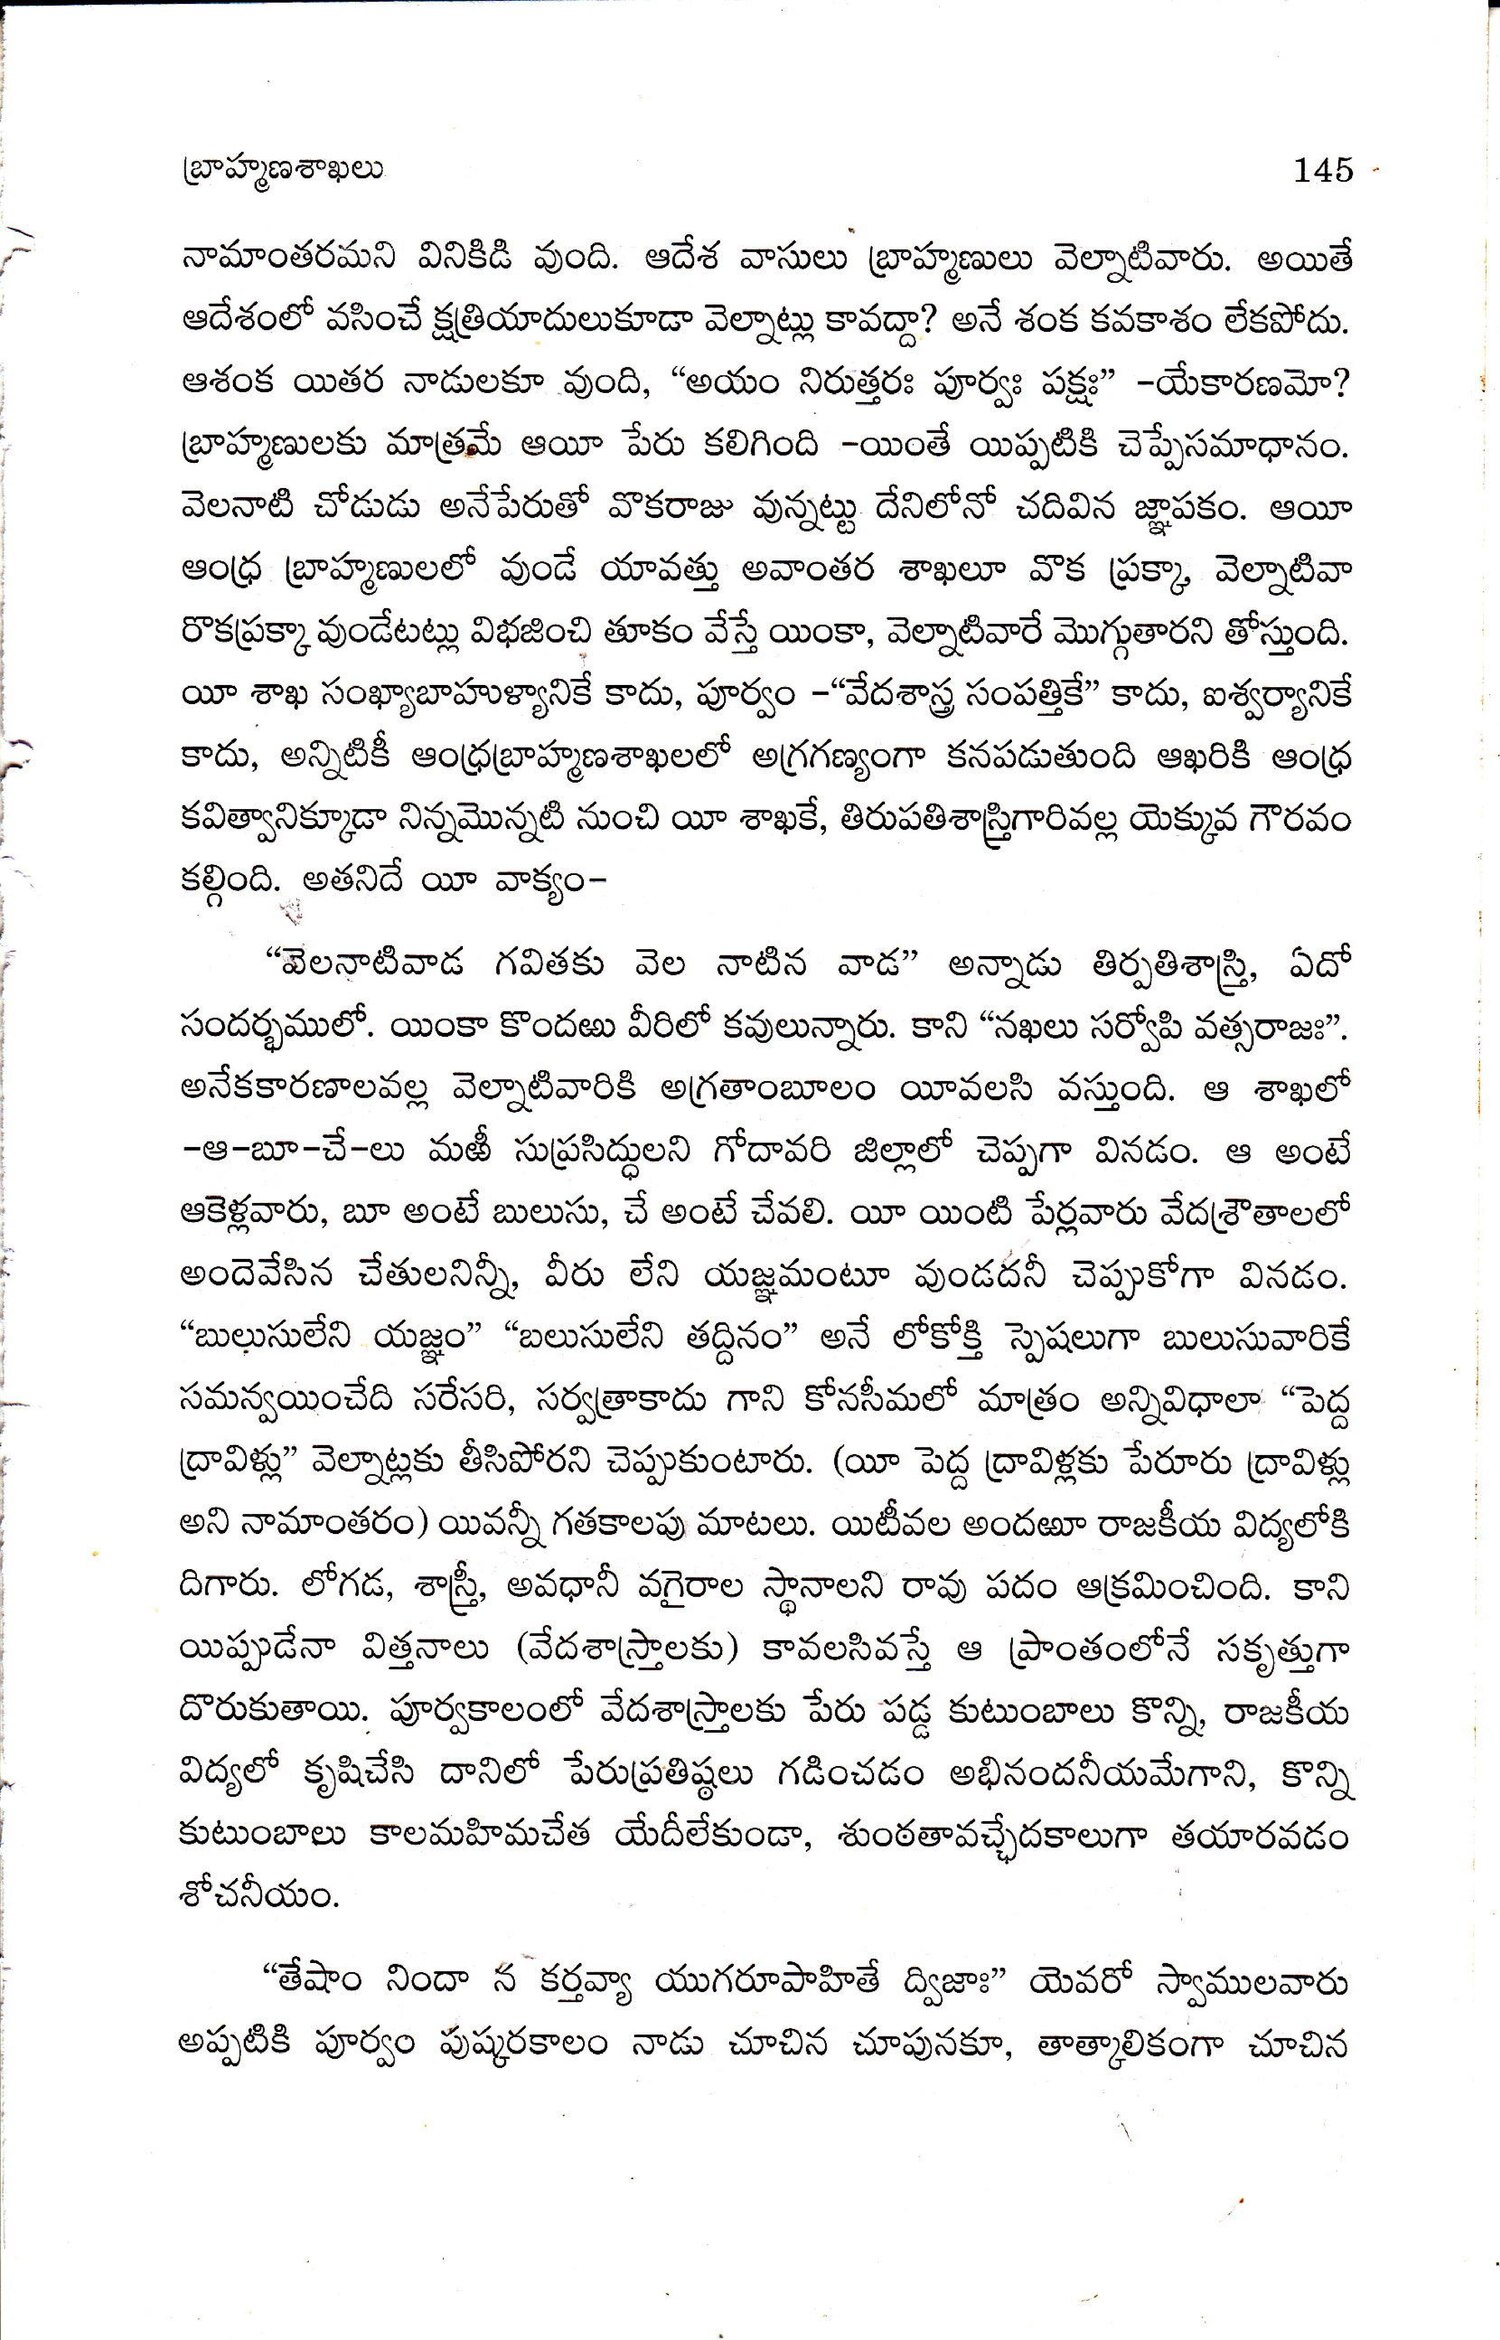నామాంతరమని వినికిడి వుంది. ఆదేశ వాసులు బ్రాహ్మణులు వెల్నాటివారు. అయితే ఆదేశంలో వసించే క్షత్రియాదులుకూడా వెల్నాట్లు కావద్దా? అనే శంక కవకాశం లేకపోదు. ఆశంక యితర నాడులకూ వుంది, “అయం నిరుత్తరః పూర్వః పక్షః" -యేకారణమో? బ్రాహ్మణులకు మాత్రమే ఆయీ పేరు కలిగింది –యింతే యిప్పటికి చెప్పేసమాధానం. వెలనాటి చోడుడు అనేపేరుతో వొకరాజు వున్నట్టు దేనిలోనో చదివిన జ్ఞాపకం. ఆయీ ఆంధ్ర బ్రాహ్మణులలో వుండే యావత్తు అవాంతర శాఖలూ వొక ప్రక్కా వెల్నాటివా రొకప్రక్కా వుండేటట్లు విభజించి తూకం వేస్తే యింకా, వెల్నాటివారే మొగ్గుతారని తోస్తుంది. యీ శాఖ సంఖ్యాబాహుళ్యానికే కాదు, పూర్వం - వేదశాస్త్ర సంపత్తికే" కాదు, ఐశ్వర్యానికే కాదు, అన్నిటికీ ఆంధ్ర బ్రాహ్మణశాఖలలో అగ్రగణ్యంగా కనపడుతుంది ఆఖరికి ఆంధ్ర కవిత్వానిక్కూడా నిన్నమొన్నటి నుంచి యీ శాఖకే, తిరుపతిశాస్త్రిగారివల్ల యెక్కువ గౌరవం కల్గింది. అతనిదే యీ వాక్యం

"వెలనాటివాడ గవితకు వెల నాటిన వాడ" అన్నాడు తిర్పతిశాస్త్రి. ఏదో సందర్భములో, యింకా కొందఱు వీరిలో కవులున్నారు. కాని “నఖలు సర్వోపి వత్సరాజః". అనేకకారణాలవల్ల వెల్నాటివారికి అగ్రతాంబూలం యీవలసి వస్తుంది. ఆ శాఖలో -ఆ-బూ-చే-లు మఱీ సుప్రసిద్దులని గోదావరి జిల్లాలో చెప్పగా వినడం. ఆ అంటే ఆకెళ్లవారు, బూ అంటే బులుసు, చే అంటే చేవలి. యీ యింటి పేర్లవారు వేదశ్రౌతాలలో అందెవేసిన చేతులనిన్నీ వీరు లేని యజ్ఞమంటూ వుండదనీ చెప్పకోగా వినడం. “బులుసులేని యజ్ఞం" “బలుసులేని తద్దినం" అనే లోకోక్తి స్పెషలుగా బులుసువారికే సమన్వయించేది సరేసరి, సర్వత్రాకాదు గాని కోనసీమలో మాత్రం అన్నివిధాలా “పెద్ద ద్రావిళ్లు" వెల్నాట్లకు తీసిపోరని చెప్పకుంటారు. (యీ పెద్ద ద్రావిళ్లకు పేరూరు ద్రావిళ్లు అని నామాంతరం) యివన్నీ గతకాలపు మాటలు. యిటీవల అందఱూ రాజకీయ విద్యలోకి దిగారు. లోగడ, శాస్త్రీ, అవధానీ వగైరాల స్థానాలని రావు పదం ఆక్రమించింది. కాని యిప్పడేనా విత్తనాలు (వేదశాస్తాలకు) కావలసివస్తే ఆ ప్రాంతంలోనే సకృత్తుగా దొరుకుతాయి. పూర్వకాలంలో వేదశాస్తాలకు పేరు పడ్డ కుటుంబాలు కొన్ని రాజకీయ విద్యలో కృషిచేసి దానిలో పేరుప్రతిష్ఠలు గడించడం అభినందనీయమేగాని, కొన్ని కుటుంబాలు కాలమహిమచేత యేదీలేకుండా, శుంఠతావచ్ఛేదకాలుగా తయారవడం శోచనీయం. -

“తేషాం నిందా న కర్తవ్యా యుగరూపాహితే ద్విజాః" యెవరో స్వాములవారు అప్పటికి పూర్వం పుష్కరకాలం నాడు చూచిన చూపునకూ, తాత్కాలికంగా చూచిన